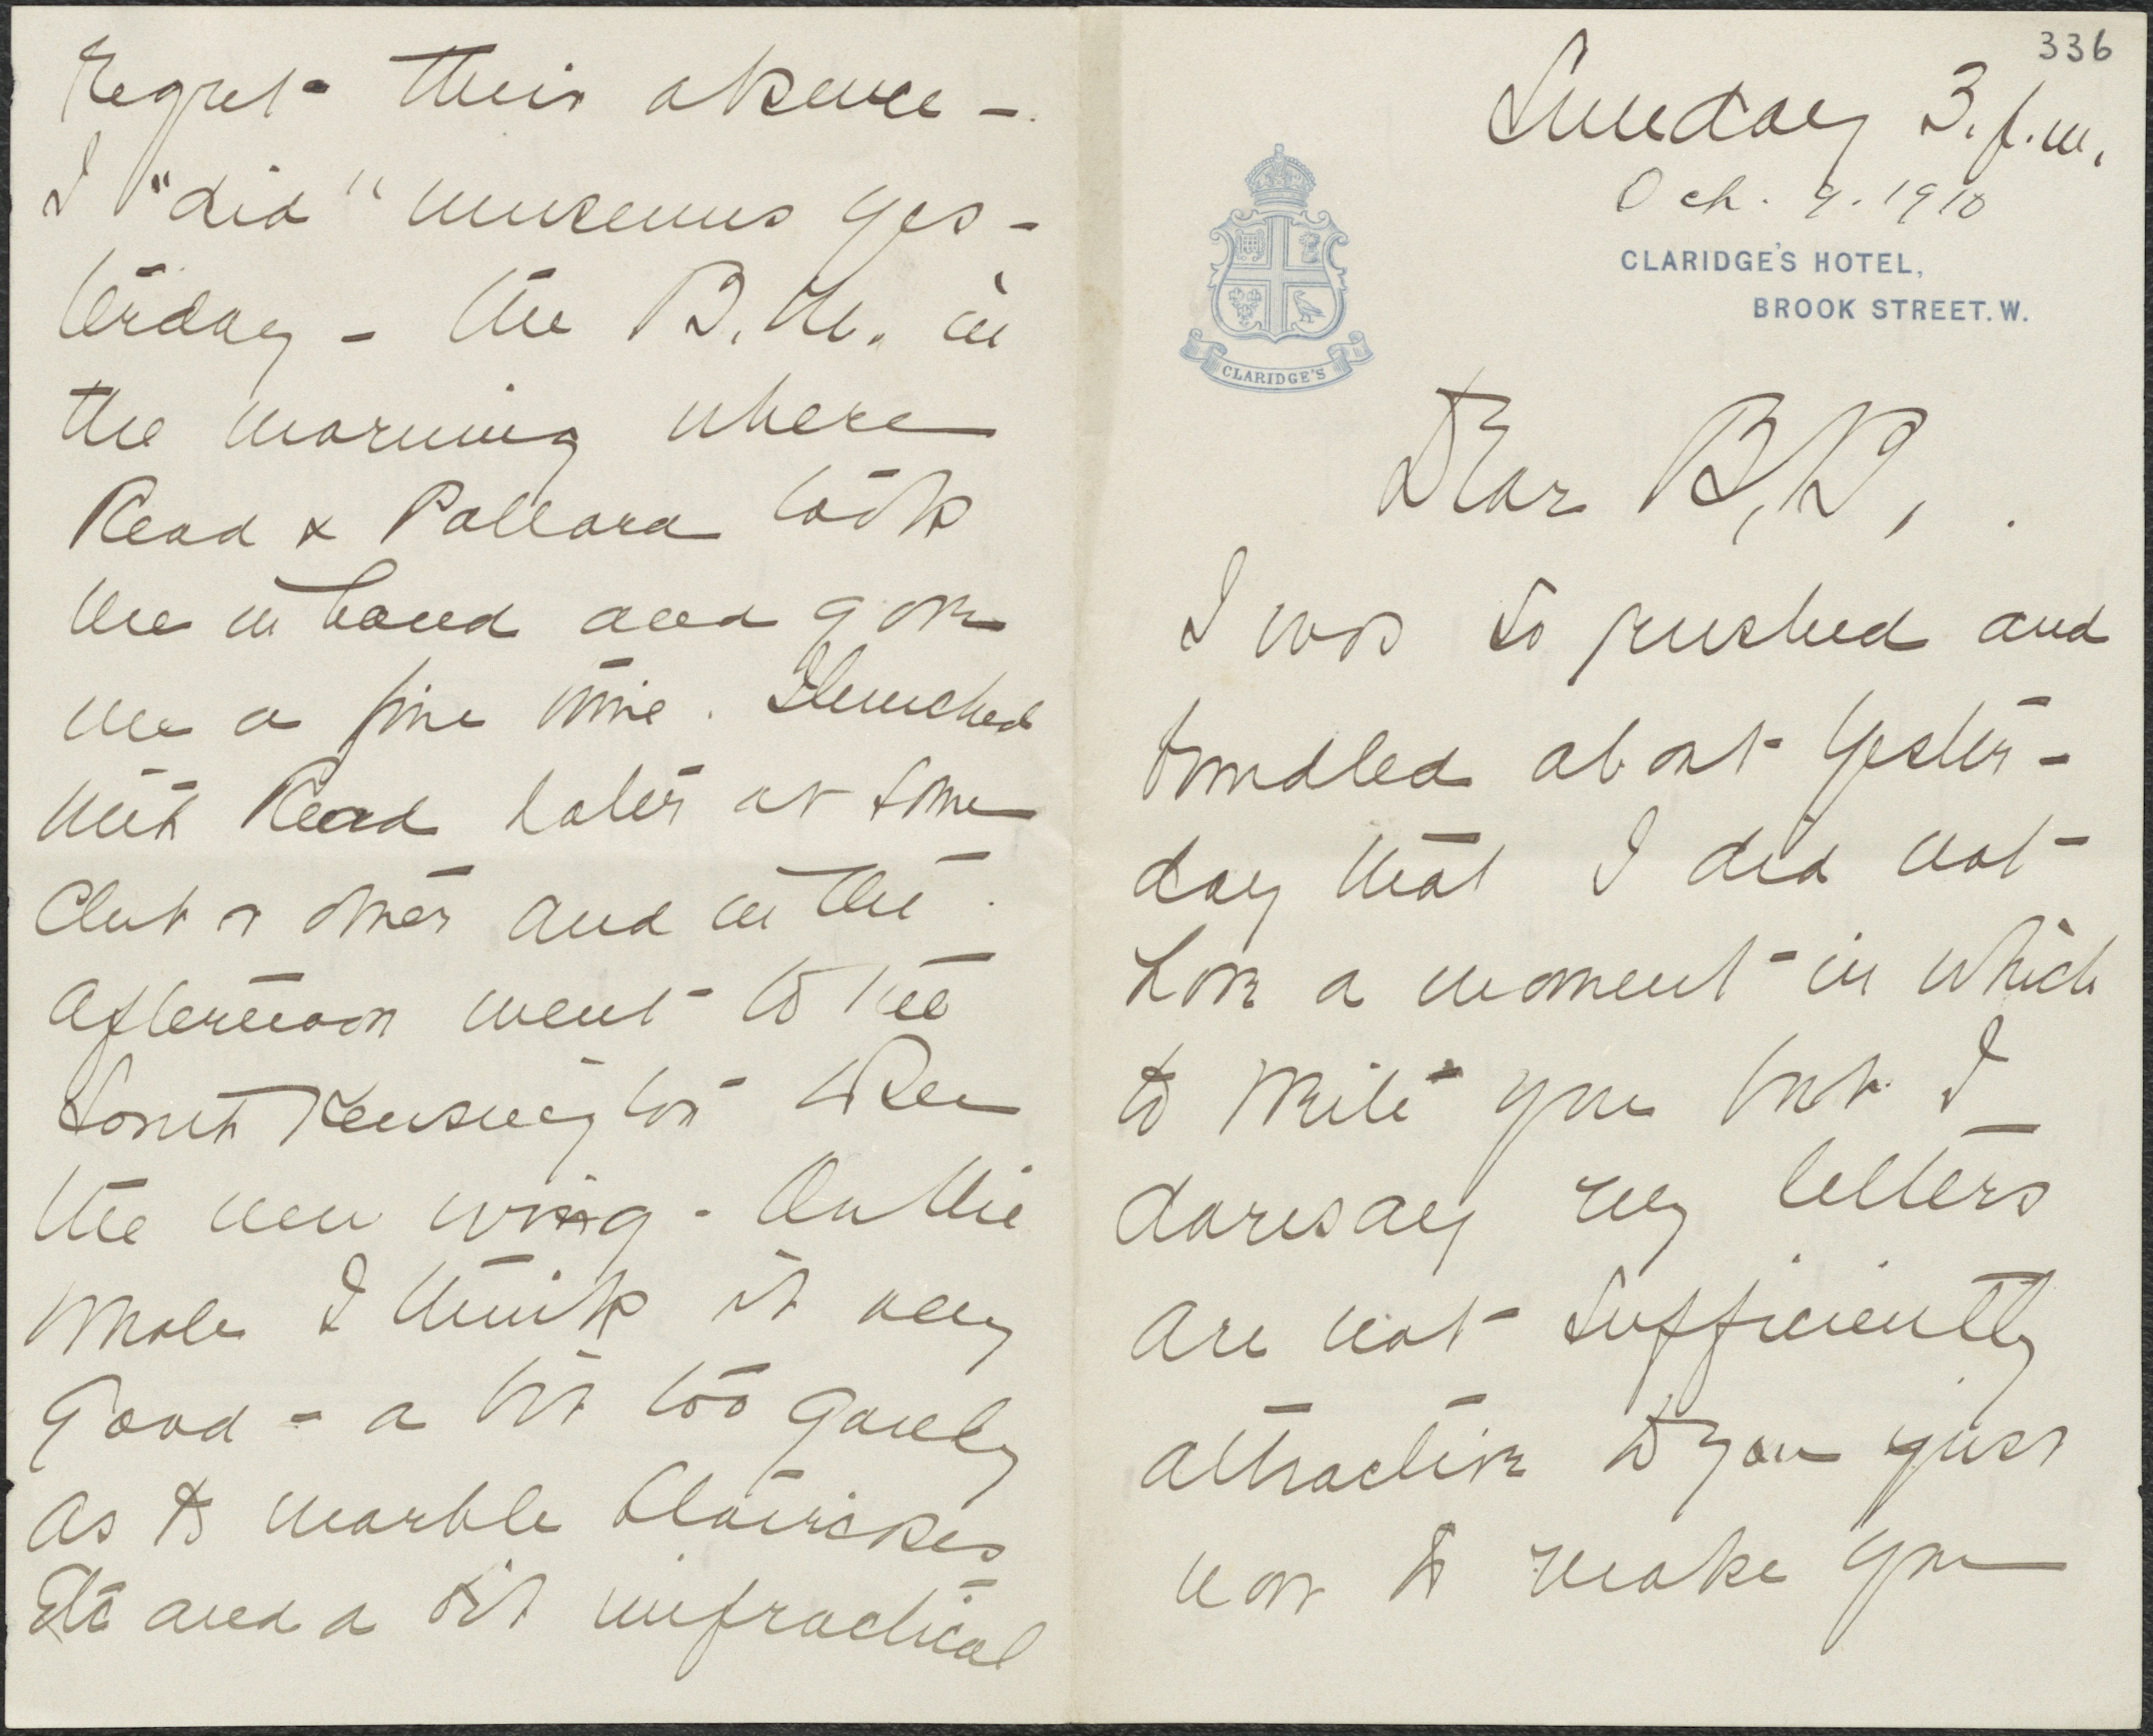Sunday 3. p. m.
Dear B. B.
I was so rushed and trundled about yesterday that I did not have a moment in which to write you but I daresay my letters are not sufficiently attractive to you just now to make you
regret this absence – I “did” museums yesterday – the B. M. in the morning where Read & Pollard took me in hand and gave me a fine time. I lunched with Read later at some club or other and in the afternoon went to the South Kensington to see the new wing – On the whole I think it very good – a bit too gaudy as to marble staircases etc and a bit impractical